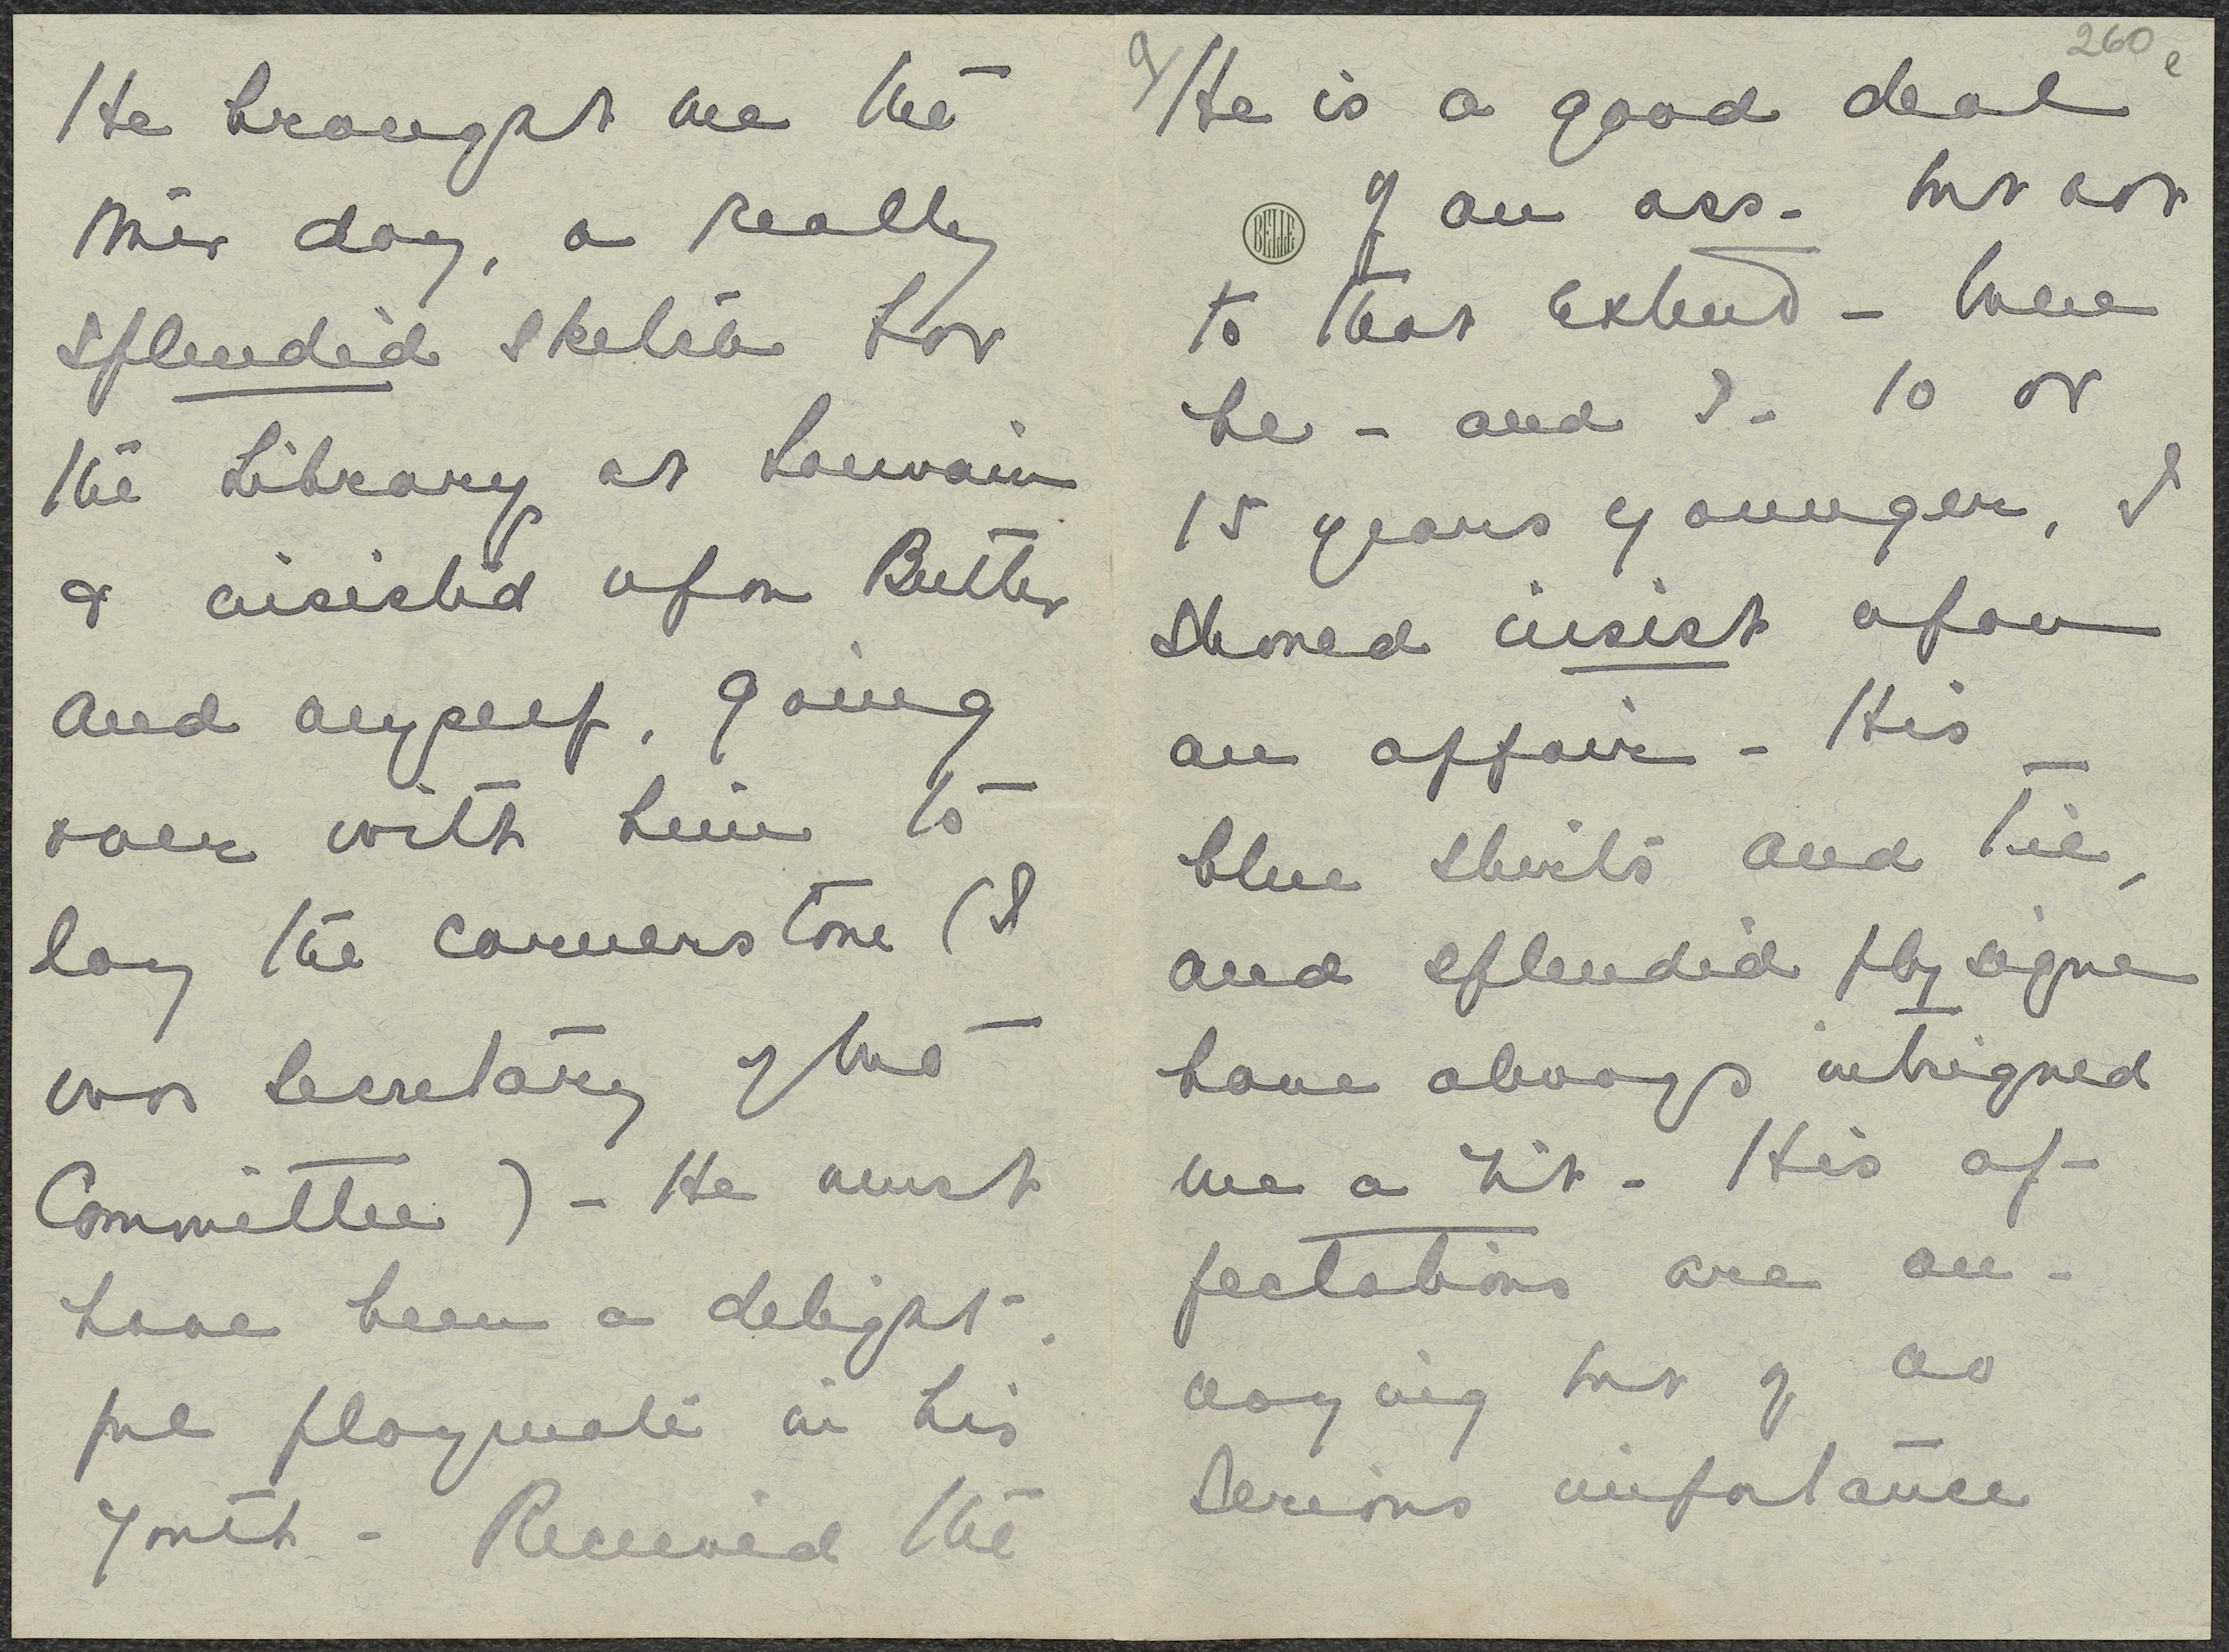9/
He is a good deal of an ass – but not to that extent – Were he – and I – 10 or 15 years younger, I should insist upon an affair – His blue shirts and tie, and splendid physique have always intrigued me a bit – His affectations are annoying but of no serious importance
He brought me the other day, a really splendid sketch for the Library at Louvain & insisted upon Butler and myself, going over with him to lay the cornerstone (I was Secretary of the Committee) – He must have been a delightful playmate in his youth – Received the